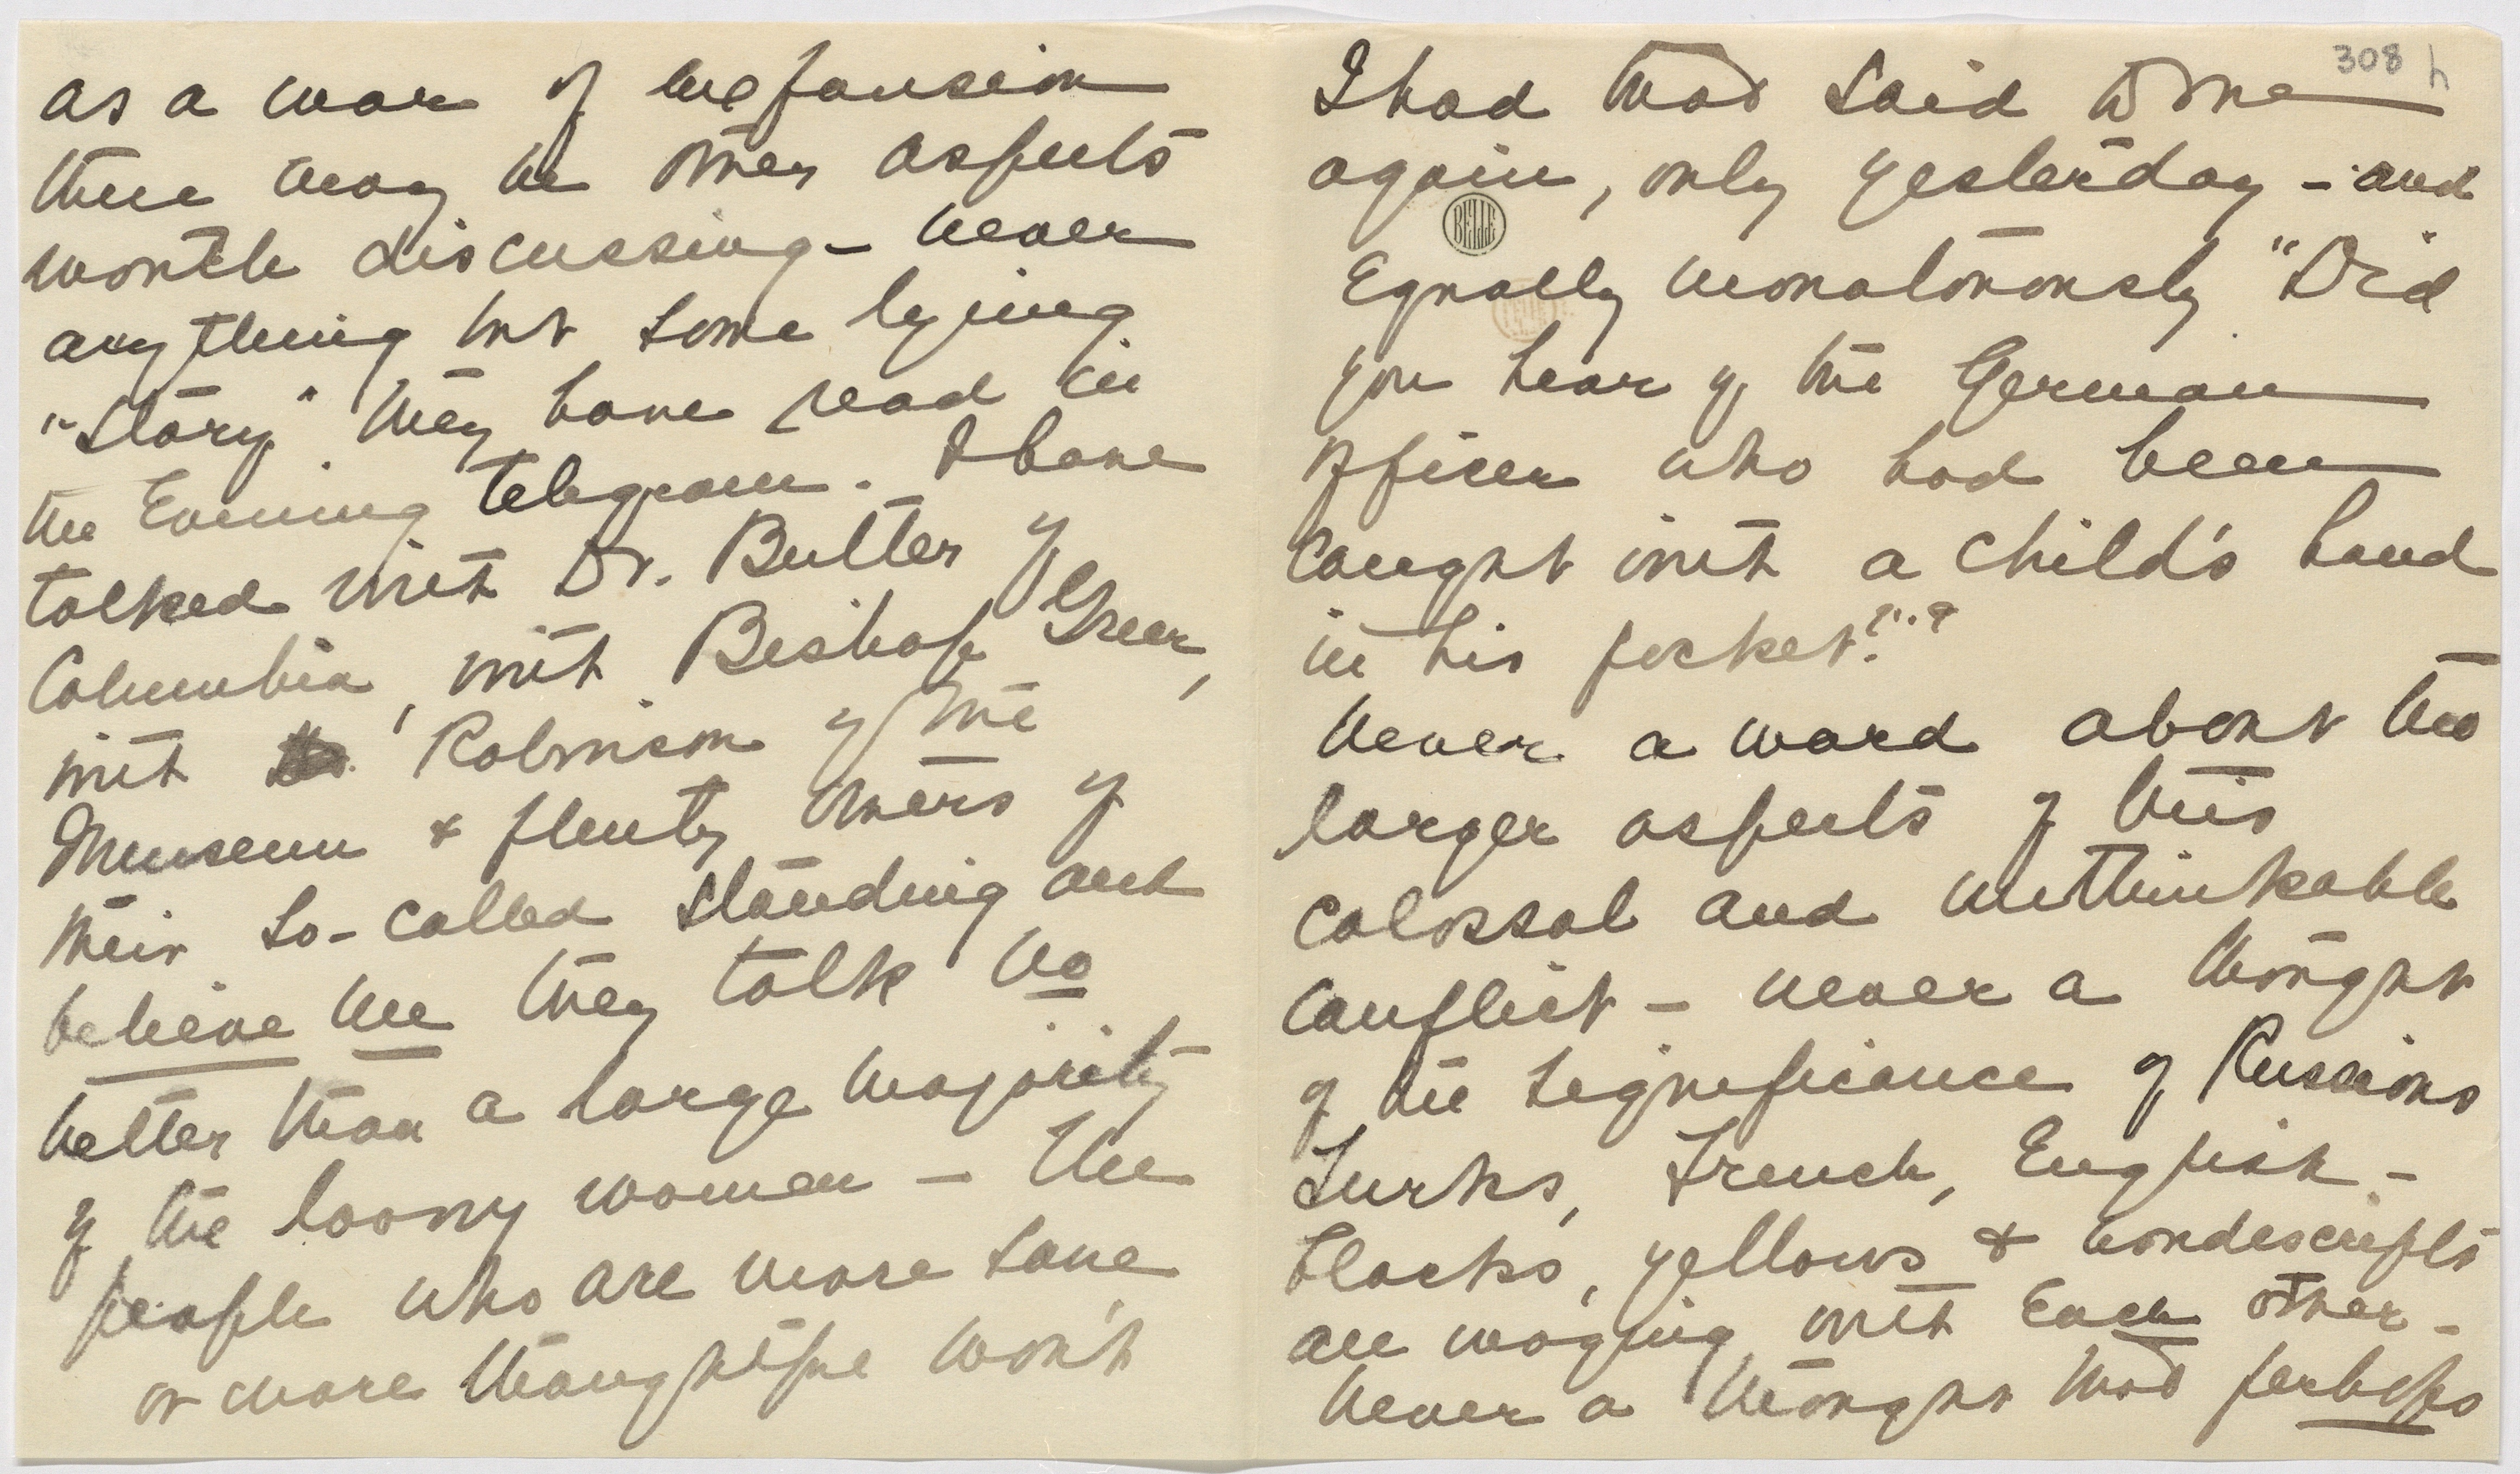I had that said to me again, only yesterday – and equally monstrously “Did you hear of the German Officer who had been caught with a child’s hand in his pocket?”
Never a word about the larger aspects of this colossal and unthinkable conflict – never a thought of the significance of Russians Turks, French, English – blacks, yellows & nondescripts all waging with each other –
Never a thought that perhaps
as a war of expansion there may be other aspects worth discussing – never anything but some lying “story” they have read in the Evening telegram. I have talked with Dr. Butler of Columbia, with Bishop Greer, with Dr. Robinson of the Museum & plenty others of their so-called standing and believe me they talk no better than a large majority of the loony women – The people who are more sane or more thoughtful won’t